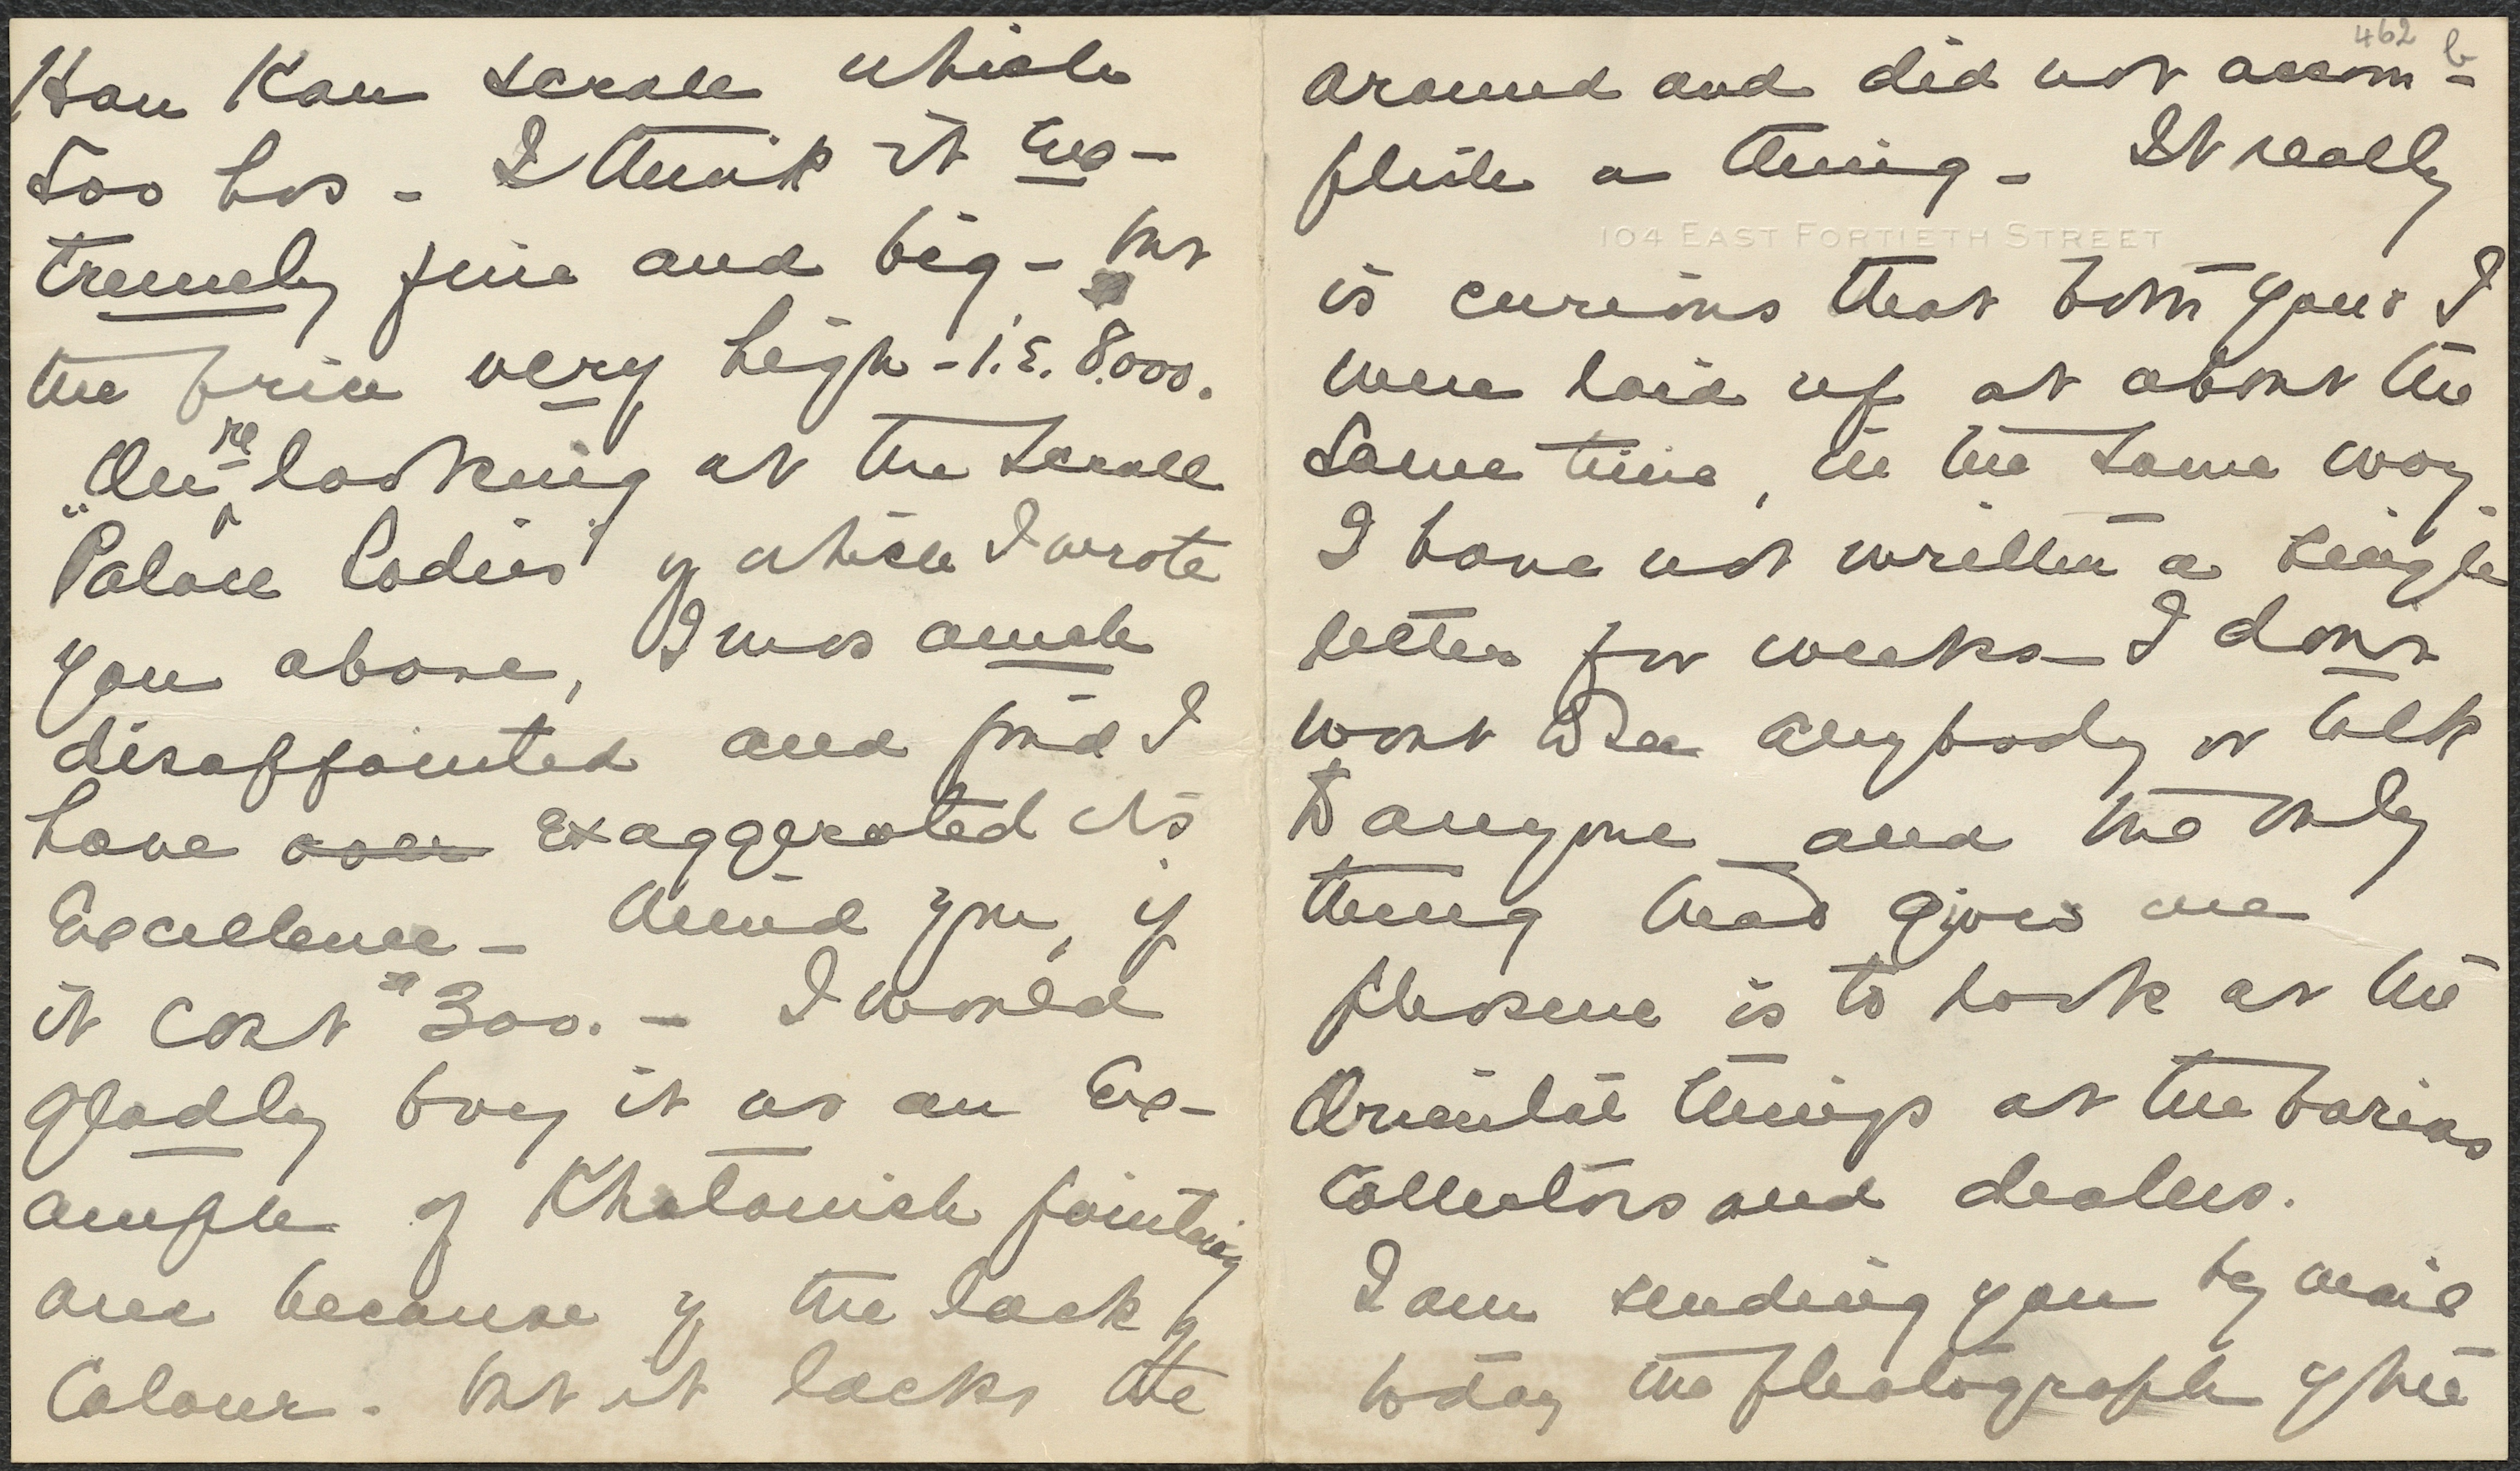around and did not accomplish a thing – It really is curious that both you & I were laid up at about the same time, in the same way – I have not written a single letter for weeks – I don’t want to see anybody or talk to anyone and the only thing that gives me pleasure is to look at the Oriental things at the various collectors and dealers. I am sending you by mail today the photograph of the
Han Kan scroll which Loo has – I think it extremely fine and big – but the price very high – i.e. 8000. On [^re^] looking at the scroll “Palace Ladies” of which I wrote you above, I was much disappointed and find I have over exaggerated its excellence – mind you, if it cost $300. – I would gladly buy it as an example of Khalounish painting and because of the lack of coulour – but it lacks the